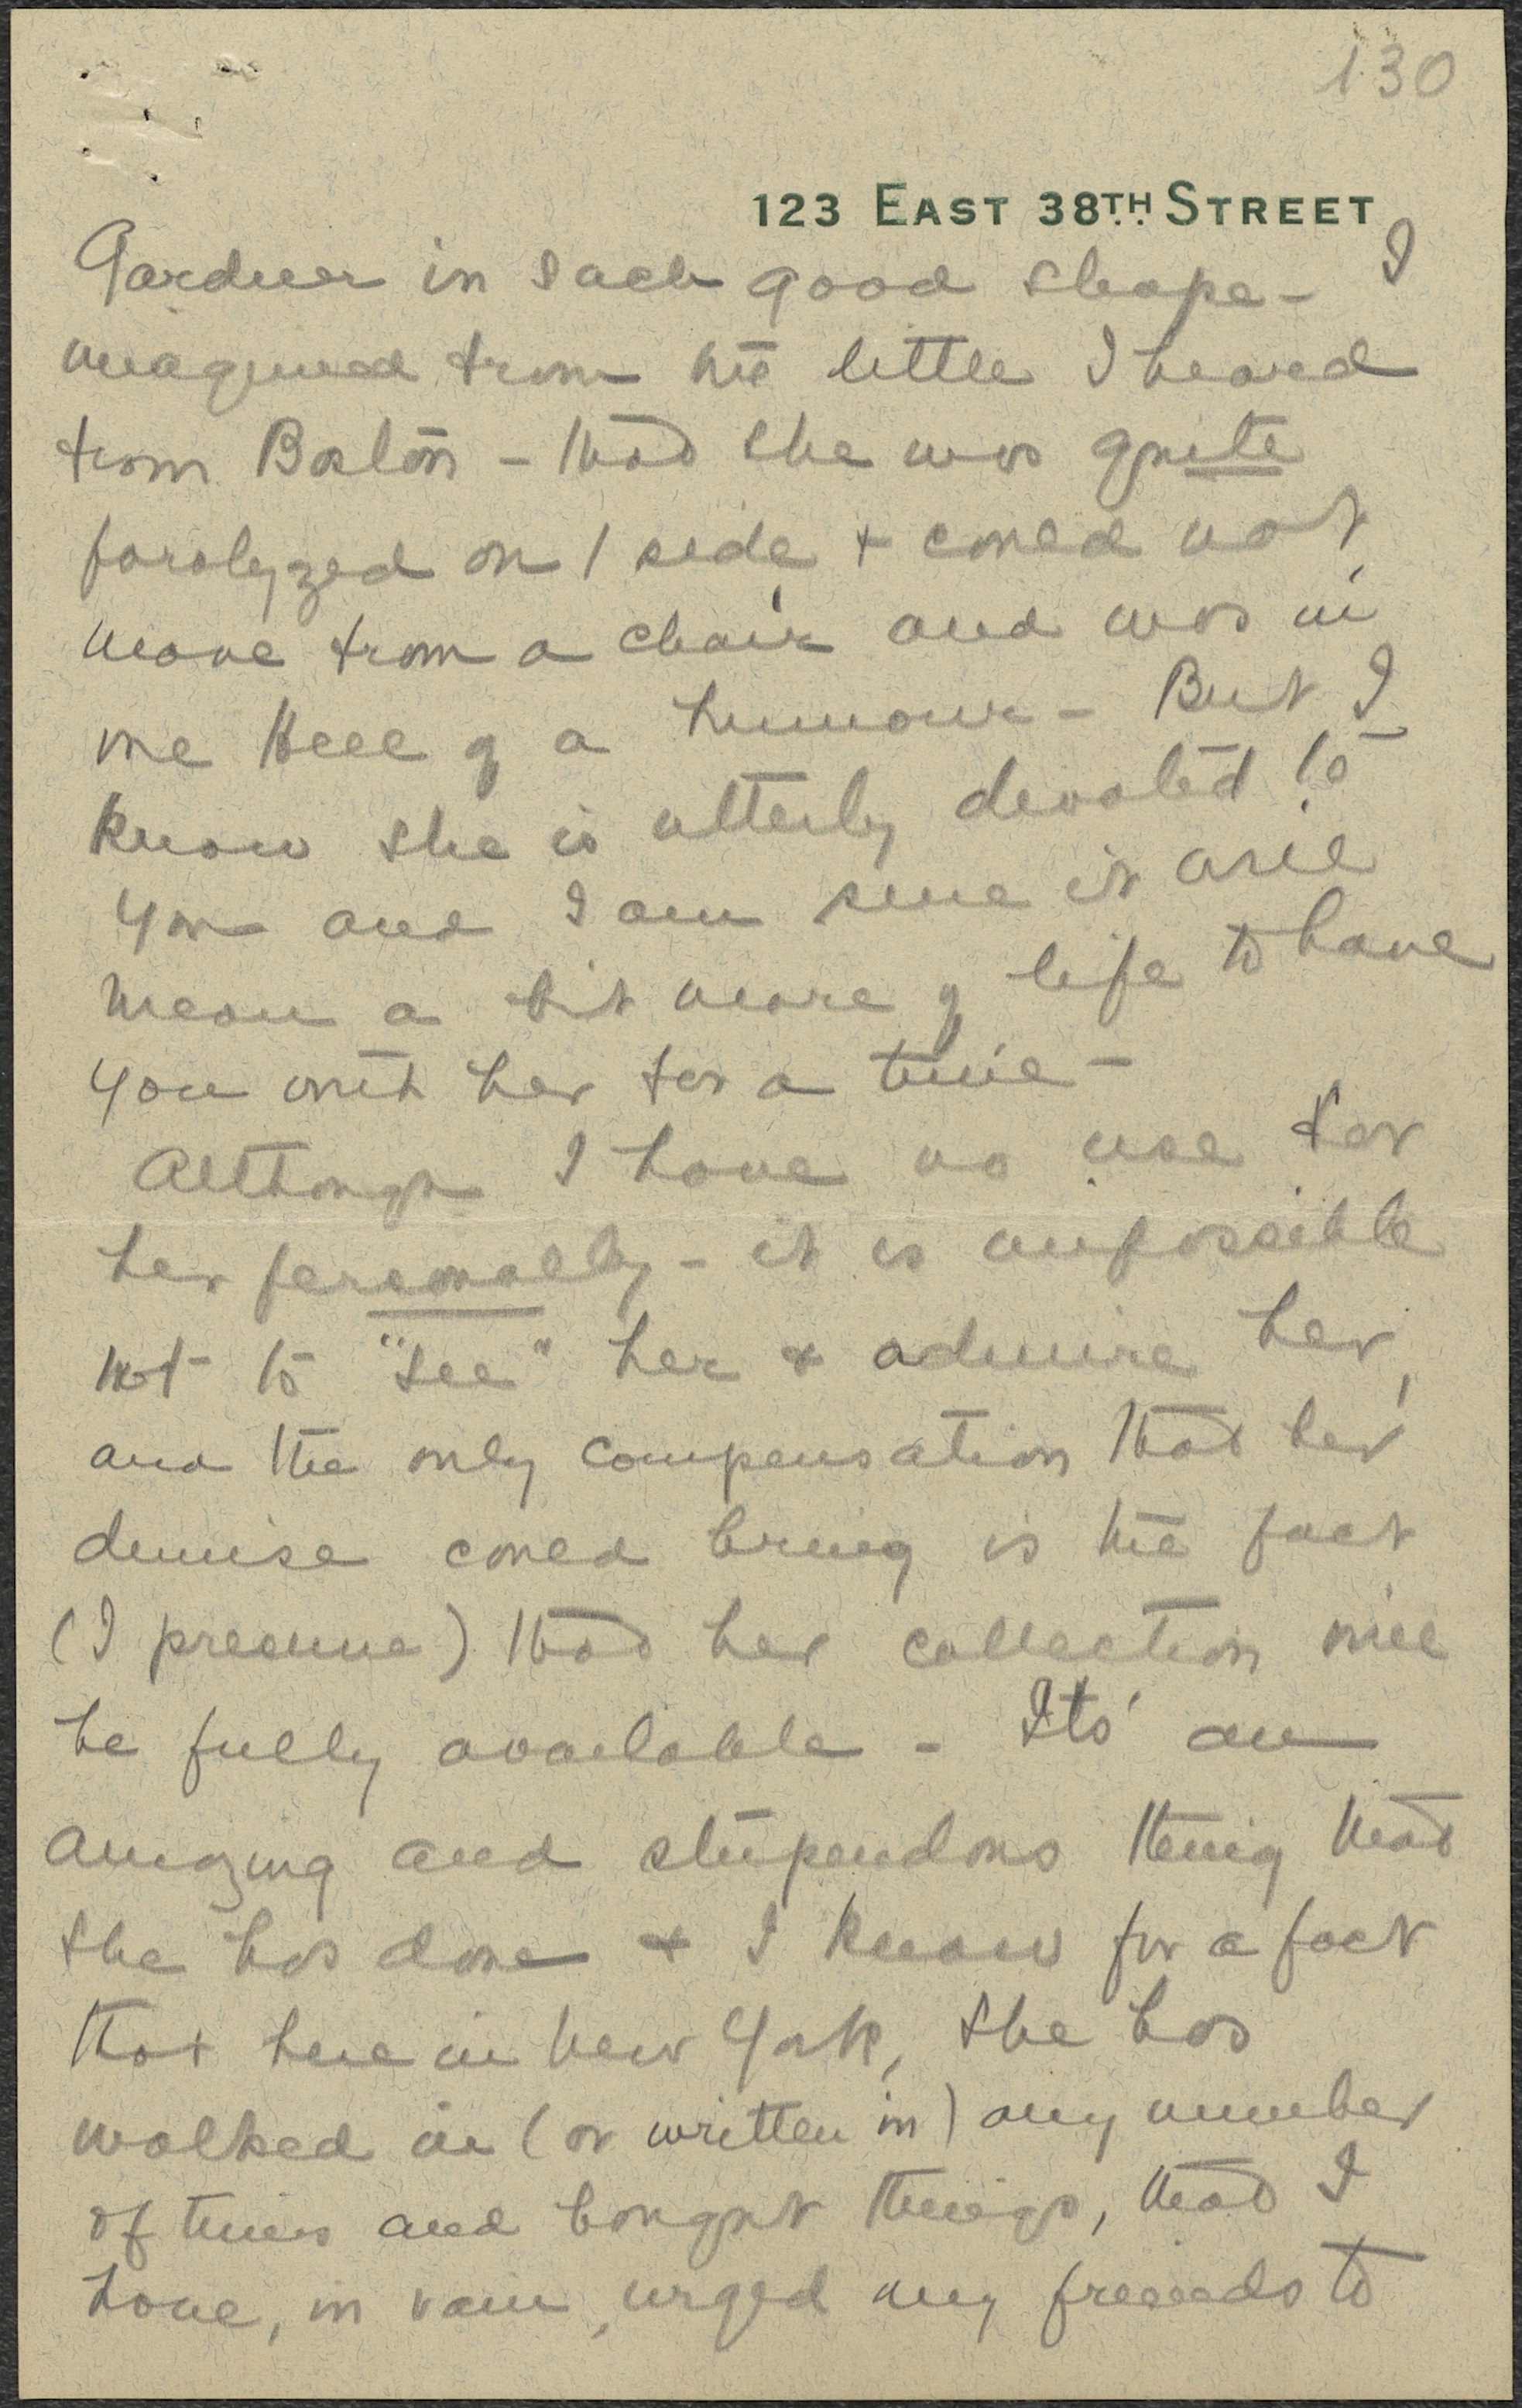Gardner in such good shape – I imagined from the little I heard from Boston – that she was quite paralyzed on 1 side & could not move from a chair and was in one Hell of a humour – But I know she is utterly devoted to you and I am sure it will mean a bit more of life to have you with her for a time –
Although I have no use for her personally – it is impossible not to "see" her & admire her, and the only compensation that her demise could bring is the fact (I presume) that her collection will be fully available – It's an amazing and stupendous thing that she has done & I know for a fact that here in New York, she has walked in (or written in) any number of times and bought things, that I have, in vain, urged my friends to